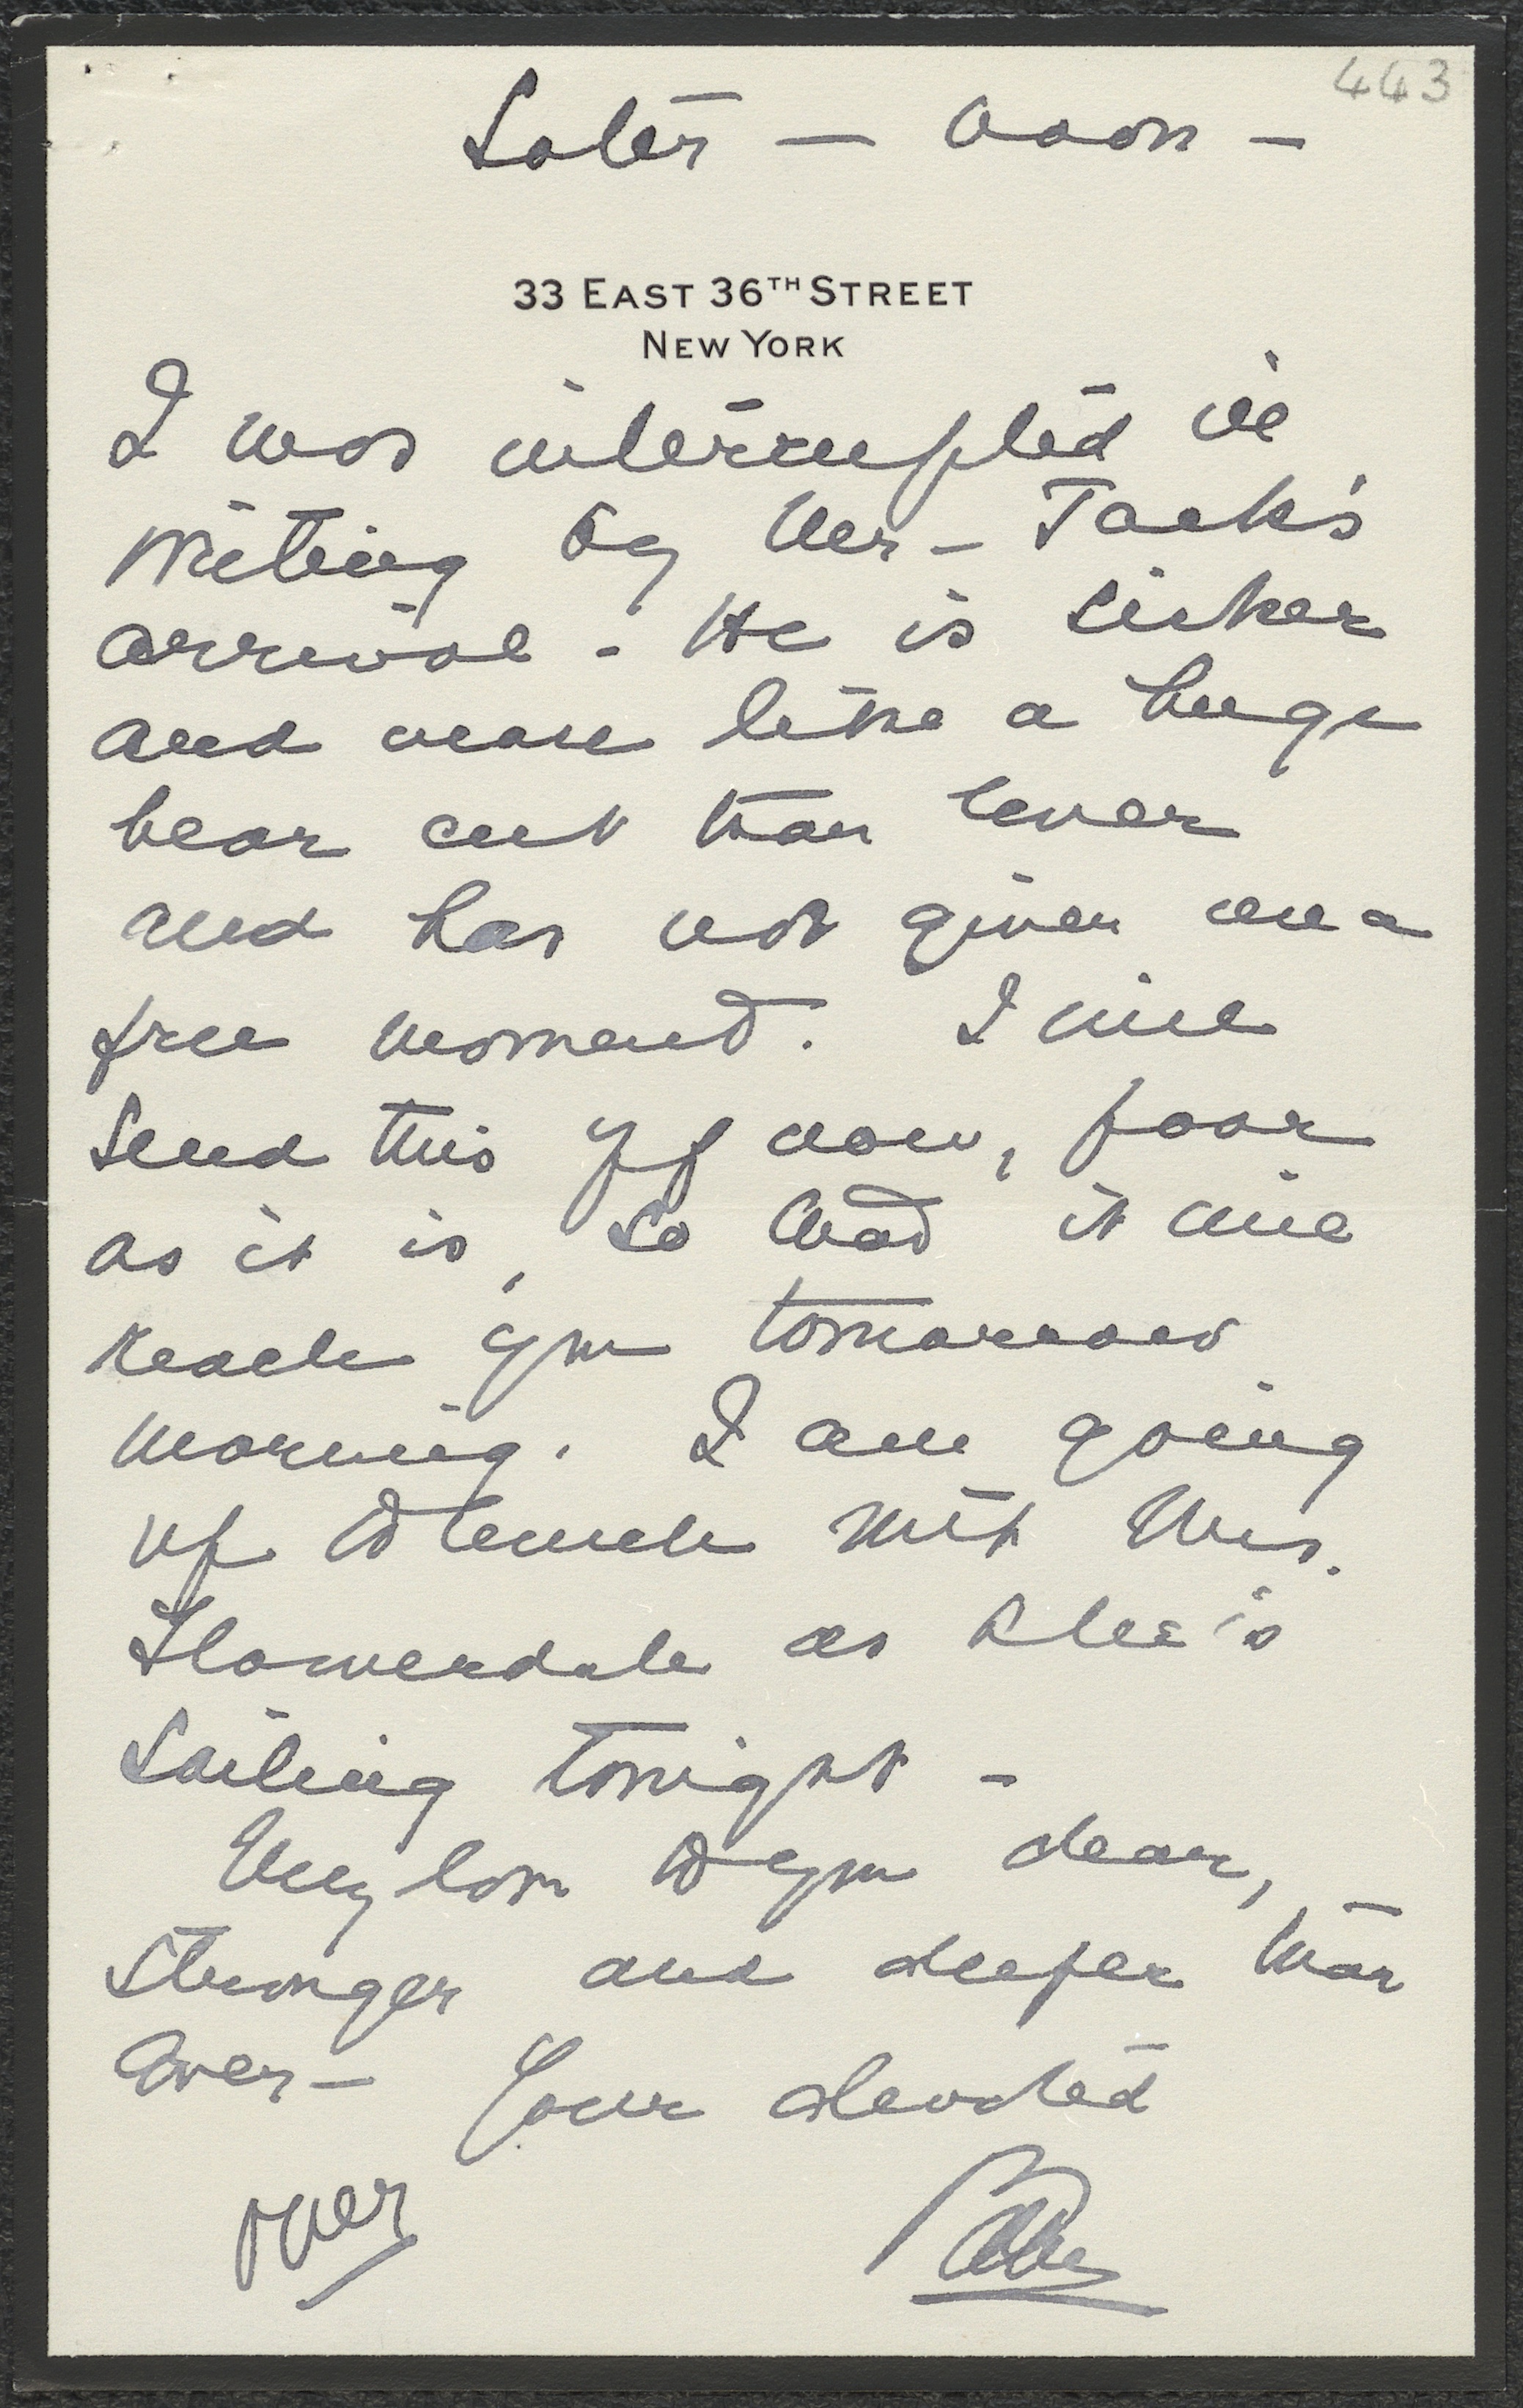Later – noon –
I was interrupted in writing by Mr. Jack’s arrival. He is sicker and more like a huge bear cub than ever and has not given me a free moment. I will send this off now, poor as it is, so that it will reach you tomorrow morning. I am going up to lunch with Mrs. Flowerdale as she’s sailing tonight –
My love to you dear, stronger and deeper than ever – Your devoted
Belle
[off to side: over]